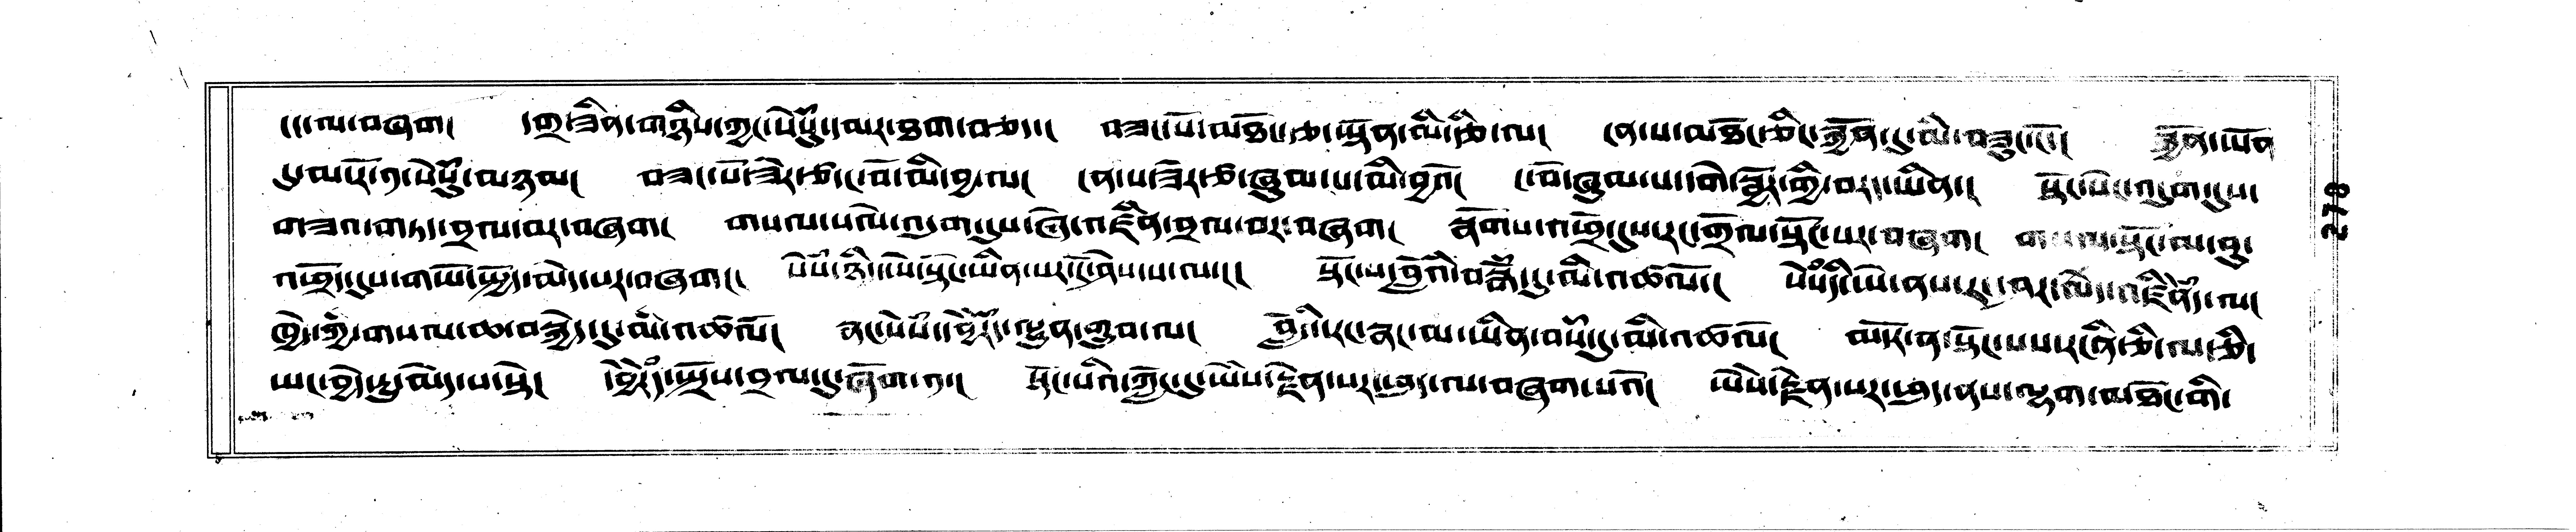དགྲ་ཟུན་གཉིས་ཀྱང་སེམས་སུ་དམར་ཐག་བཅད། བཟང་པོ་མཐོང་ཙམ་ཡོན་ཏན་མི་རྩི་ལ། ངན་པ་མཐོང་ཙ་སྐྱོན་དུ་མི་བཟུང་ངོ་། སྐྱོན་ཡོན་
དུ་མ་རོ་གཅིག་སེམས་སུ་མཉམས། བཟང་པོ་ཟེར་ཙ་ངའོ་མི་བྱ་ལ། ངན་པ་ཟེར་ཙ་ཞུམ་པར་མི་བྱའོ། ངའོ་ཞུམ་པ་དགེ་སྦྱོར་གྱི་བར་ཆོད་ཡིན། སྟོང་སང་ངེ་འདུག་དུས་
གཟའ་གཏད་བྲལ་བར་བཞག གསལ་སལེ་འདུག་དུས་ཞེ་འཛིན་བྲལ་བར་བཞག སྣ་ཚོགས་འཕྲོ་དུས་རང་གྲོལ་སྟོང་པར་བཞག གསལ་སྟོང་མ་བུ་
འདྲེས་དུས་གཡོ་བསྐྱོད་མེད་པར་བཞག སེམས་ཉིེད་ཡེ་སྟོང་ཡིན་ངོ་ཤེས་པ་ལ། སྟོང་པ་བློའི་བྷོམ་(སྒོམ)དུ་མི་འཚལ་ལོ། སེམས་ཉིད་ཡེ་ནས་རང་ཤར་འཛིན་མེད་ལ། 
ཆད་ཀྱིས་གསལ་ཆ་བསྐྱེད་དུ་མི་འཚལ་ལོ། སྣང་སེམས་དབྱེར་མེད་ཡེ་ནས་ལྷུན་གྲུབ་ལ། བློའི་རང་སྣང་ཡིན་བསམ་མི་འཚལ་ལོ། མདོར་ན་སྟོང་པའི་རང་བཞིན་འདི་ལ་ཅི་
ཡང་བྱེད་རྒྱུ་མེད་དེ། བྱར་མེད་སྤྲོས་བྲལ་དུ་ཞོག་ཅིག སྟོང་པའི་ཀློང་དུ་རིག་པ་རྗེན་པར་ཕུད་ལ་བཞག་པའོ། ཡེ་ཤེས་རྗེན་པར་ཕུད་ན་ལྷག་མཐོང་གི་